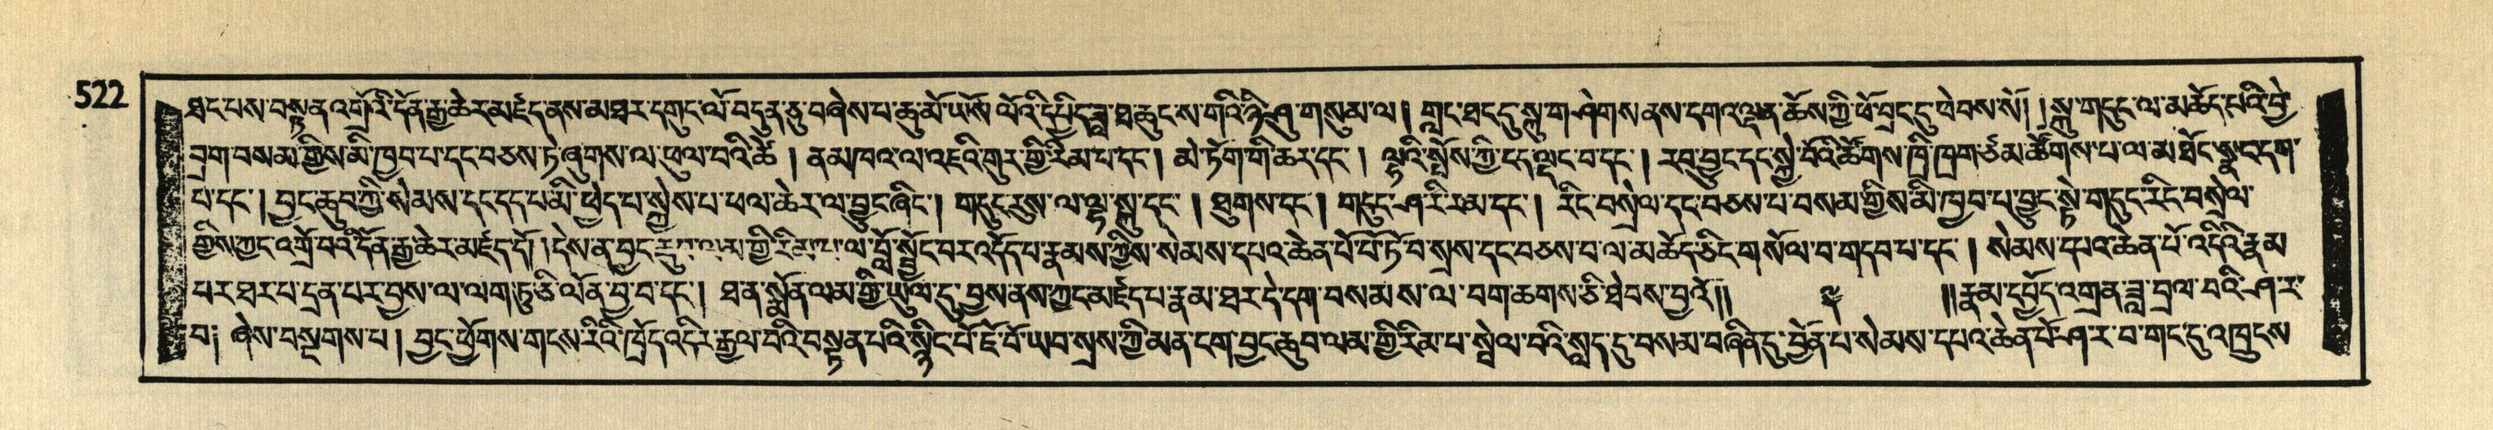ཐང་པས་བསྟན་འགྲོའི་དོན་རྒྱ་ཆེར་མཛད་ནས་མཐར་དགུང་ལོ་བདུན་ཅུ་བཞེས་པ་ཆུ་མོ་ཡོས་ལོའི་དཔྱིད་ཟླ་ཐ་ཆུང་ས་གའི་ཉི་ཤུ་གསུམ་ལ། གླང་ཐང་དུ་སྐུ་གཤེགས་ནས་དགའ་ལྡན་ཆོས་ཀྱི་ཕོ་བྲང་དུ་ཕེབས་སོ། །སྐུ་གསུང་ལ་མཆོད་པའི་བྱེ་
བྲག་བསམ་གྱིས་མི་ཁྱབ་པ་དང་བཅས་ཏེ་ཞུགས་ལ་ཕུལ་བའི་ཚེ། ནམ་མཁའ་ལ་འཇའི་གུར་གྱི་རིམ་པ་དང་། མེ་ཏོག་གི་ཆར་དང་། ལྷའི་སྤོས་ཀྱི་ངད་ལྡང་བ་དང་། རབ་བྱུང་དང་སྐྱེ་བོའི་ཚོགས་ཁྲི་ཁྲག་ཙམ་ཚོགས་པ་ལ་མཐོང་སྣང་དག་
པ་དང་། བྱང་ཆུབ་ཀྱི་སེམས་དང་དད་པ་མི་ཕྱེད་པ་སྐྱེས་པ་ཕལ་ཆེར་ལ་བྱུང་ཞིང་། གདུང་རུས་ལ་ལྷ་སྐུ་དང་། ཐུགས་དང་། གདུང་ཤ་རི་རམ་དང་། རིང་བསྲེལ་དང་བཅས་པ་བསམ་གྱིས་མི་ཁྱབ་པ་བྱུང་སྟེ་གདུང་རིང་བསྲེལ་
གྱིས་ཀྱང་འགྲོ་བའི་དོན་རྒྱ་ཆེར་མཛད་དོ། །དེས་ན་བྱང་ཆུབ་ལམ་གྱི་རིམ་པ་ལ་བློ་སྦྱོང་བར་འདོད་པ་རྣམས་ཀྱིས་སེམས་དཔའ་ཆེན་པོ་པོ་ཏོ་བ་སྲས་དང་བཅས་བ་ལ་མཆོད་ཅིང་གསོལ་བ་གདབ་པ་དང་། སེམས་དཔའ་ཆེན་པོ་འདིའི་རྣམ་
པར་ཐར་པ་དྲན་པར་བྱས་ལ་ལག་ཏུ་ཅི་ལོན་བྱ་བ་དང་། ཐ་ན་སྨོན་ལམ་གྱི་ཡུལ་དུ་བྱས་ནས་ཀྱང་མཛད་པ་རྣམ་ཐར་དེ་དག་བསམས་ལ་བག་ཆགས་ཅི་ཐེབས་བྱའོ།། ༈ །།རྣམ་དཔྱོད་འགྲན་ཟླ་བྲལ་བའི་ཤ་ར་
བ༑ ཞེས་བསྔགས་པ། བྱང་ཕྱོགས་གངས་རིའི་ཁྲོད་འདིར་རྒྱལ་བའི་བསྟན་པའི་སྙིང་པོ་ཇོ་བོ་ཡབ་སྲས་ཀྱི་མན་ངག་བྱང་ཆུབ་ལམ་གྱི་རིམ་པ་སྦེལ་བའི་སླད་དུ་བསམ་བཞིན་དུ་བྱོན་པ་སེམས་དཔའ་ཆེན་པོ་ཤ་ར་བ་གང་དུ་འཁྲུངས་